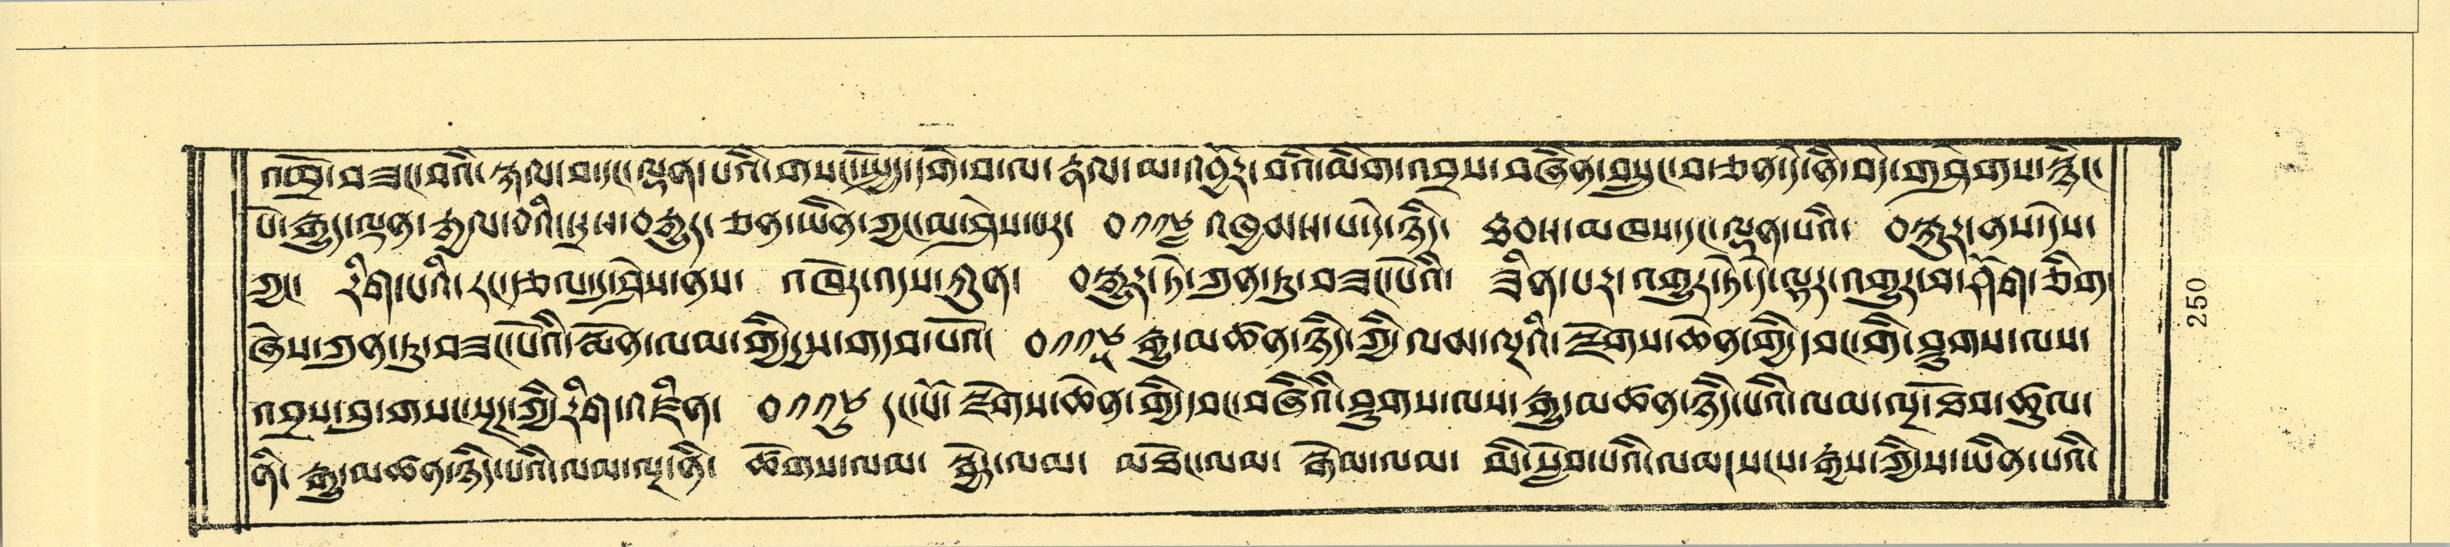འཕྲོ་བཟང་བའི་ ༼སྐལ་༽བ་དང་ ༼ལྡན་༽པའི་གསང་སྤྱོད་དགེ་བ་ལ་ ༼རྣལ་༽མ་ ༼འབྱོར་༽བའི་མིག་འབྲས་བཞིན་བསྲུང་བ་ཅན་དེ་ནི་བདེ་གཤེགས་སྙིང་
པོ་རྒྱུད་ལྡན་ ༼རྒྱལ་བའི་སྲས་བརྒྱུད་༽ཅན་ཡིན་ཀྱང་མ་ཤེས་པར་བ༡༡༦།༤ ༼འཁྱམས་༽པ་དེ་ཉིད་ ༼ཐབས་༽མཁས་དང་ ༼ལྡན་༽པའི་ ༼བསྐུར་༽ནས་དེས་
ཀྱང་ ༼རིག་པའི་༽རང་རྩལ་དུ་ཤེས་ནས། འཁོར་འདས་ ༼ཀུན་བསྒྱུར་༽ཏེ་ཀུན་ཏུ་བཟང་པོའི་ ༼ཟིན་པར་༽འགྱུར་ཏེ་དེ་ལྟར་འགྱུར་བ་ ༼ཤོག་༽ཅིག་
ཞེས་ཀུན་ཏུ་བཟང་པོའི་སྨོན་ལམ་གྱི་རྒྱས་གདབ་པའོ། བ༡༡༦།༥ རྒྱུ་མཚན་ཉིད་ཀྱི་ ༼ལམ་ལྔའི་༽སྫོགས་ཆེན་གྱི་དབང་གི་ཤུགས་ལས་
འབྲས་བུ་གསང་སྔགས་ཀྱི་ ༼རིག་འཛིན་༽བ༡༡༦།༦ ༼དང་པོ་༽སྫོིགས་ཆེན་གྱི་དབང་བཞིའི་ཤུགས་ལས་རྒྱུ་མཚན་ཉིད་པའི་ལམ་ལྔ་ཐོབ་ཚུལ་
ནི། རྒྱུ་མཚན་ཉིད་པའི་ལམ་ལྔ་ནི། ཚོགས་ལམ། སྦྱོར་ལམ། མཐོང་ལམ། སྒོམ་ལམ། མི་སློབ་པའི་ལམ། སངས་རྒྱས་ཀྱི་ས་ཡིན་པའི་